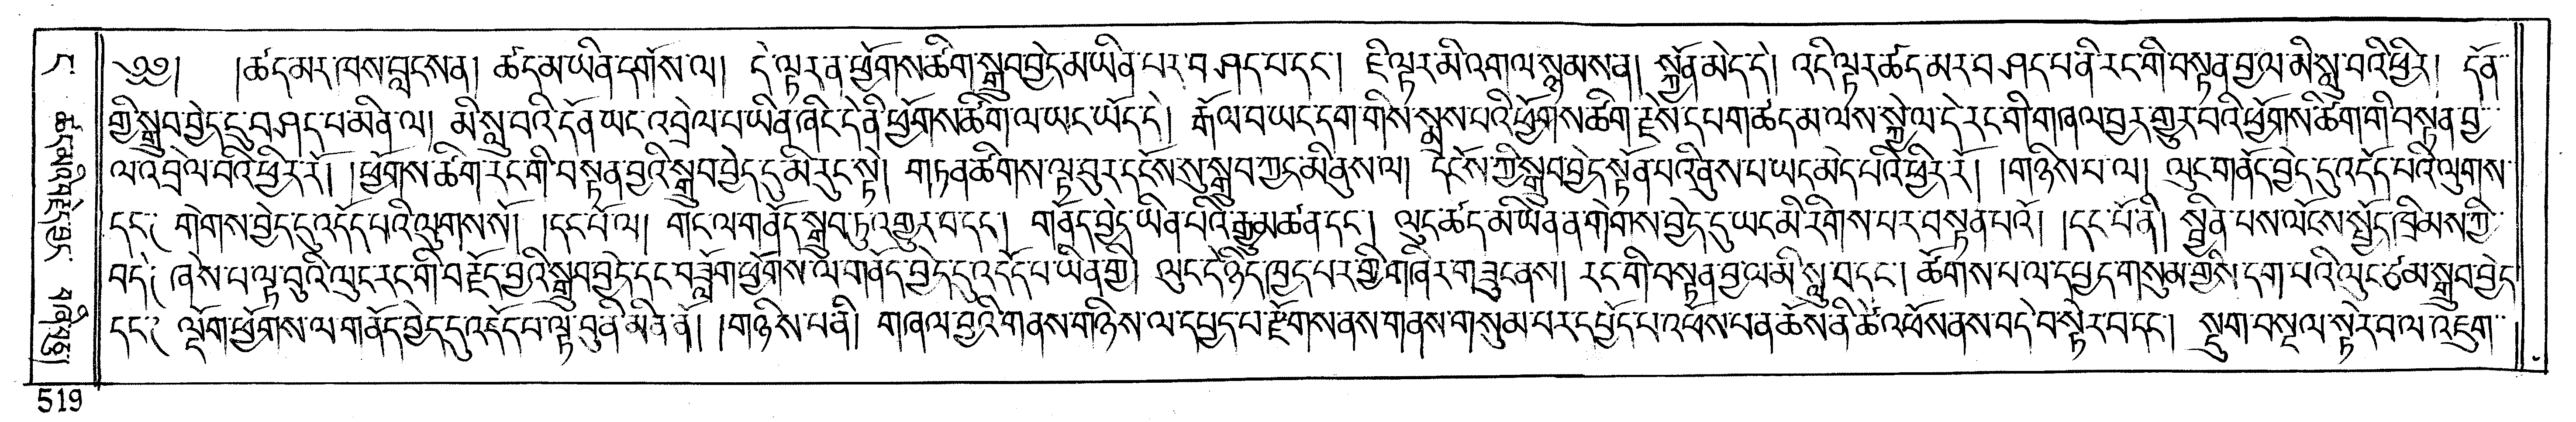༄༅། །ཚད་མར་ཁས་བླངས་ན། ཚད་མ་ཡིན་དགོས་ལ། དེ་ལྟར་ན་ཕྱོགས་ཚིག་སྒྲུབ་བྱེད་མ་ཡིན་པར་བཤད་པ་དང་། ཇི་ལྟར་མི་འགལ་སྙམས་ན། སྐྱོན་མེད་དེ། འདི་ལྟར་ཚད་མར་བཤད་པ་ནི་རང་གི་བསྟན་བྱ་ལ་མི་སླུ་བའི་ཕྱིར། དོན་
གྱི་སྒྲུབ་བྱེད་དུ་བཤད་པ་མིན་ལ། མི་སླུ་བའི་དོན་ཡང་འབྲེལ་བ་ཡིན་ཞིང་དེ་ནི་ཕྱོགས་ཚིག་ལ་ཡང་ཡོད་དེ། རྒོལ་བ་ཡང་དག་གིས་སྨྲས་པའི་ཕྱོགས་ཚིག་རྗེས་དཔག་ཚད་མ་ལས་སྐྱེ་ལ་དེ་རང་གི་གཞལ་བྱར་གྱུར་བའི་ཕྱོགས་ཚིག་གི་བསྟན་བྱ་
ལ་འབྲེལ་བའི་ཕྱིར་རོ། །ཕྱོགས་ཚིག་རང་གི་བསྟན་བྱའི་སྒྲུབ་བྱེད་དུ་མི་རུང་སྟེ། གཏན་ཚིགས་ལྟ་བུར་དངོས་སུ་སྒྲུབ་ཀྱང་མི་ནུས་ལ། དངོས་ཀྱི་སྒྲུབ་བྱེད་སྟོན་པའི་ནུས་པ་ཡང་མེད་པའི་ཕྱིར་རོ། །གཉིས་པ་ལ། ལུང་གནོད་བྱེད་དུ་འདོད་པའི་ལུགས་
དང༑ གེགས་བྱེད་དུ་འདོད་པའི་ལུགས་སོ། །དང་པོ་ལ། གང་ལ་གནོད་སྒྲུབ་ཏུ་འགྱུར་བ་དང་། གནོད་བྱེད་ཡིན་པའི་རྒྱུ་མཚན་དང་། ལུང་ཚད་མ་ཡིན་ན་གེགས་བྱེད་དུ་ཡང་མི་རིགས་པར་བསྟན་པའོ། །དང་པོ་ནི། སྦྱིན་པས་ལོངས་སྤྱོད་ཁྲིམས་ཀྱི་
བདེ༑ ཞེས་པ་ལྟ་བུའི་ལུང་རང་གི་བརྗོད་བྱའི་སྒྲུབ་བྱེད་དང་བཟློག་ཕྱོགས་ལ་གནོད་བྱེད་དུ་འདོད་པ་ཡིན་གྱི། ལུང་དེ་ཉིད་ཁྱད་པར་གྱི་གཞིར་གཟུང་ནས། རང་གི་བསྟན་བྱ་ལ་མི་སླུ་བ་དང་། ཚོགས་པ་ལ་དཔྱད་གསུམ་གྱིས་དག་པའི་ལུང་ཙམ་སྒྲུབ་བྱེད་
དང༑ ལྡོག་ཕྱོགས་ལ་གནོད་བྱེད་དུ་འདོད་པ་ལྟ་བུ་ནི་མིན་ནོ། །གཉིས་པ་ནི། གཞལ་བྱའི་གནས་གཉིས་ལ་དཔྱད་པ་རྫོགས་ནས་གནས་གསུམ་པར་དཔྱོད་པ་འཕོས་པ་ན་ཆོས་ནི་ཚེ་འཕོས་ནས་བདེ་བ་སྟེར་བ་དང་། སྡུག་བསྔལ་སྟེར་བ་ལ་འཇུག་